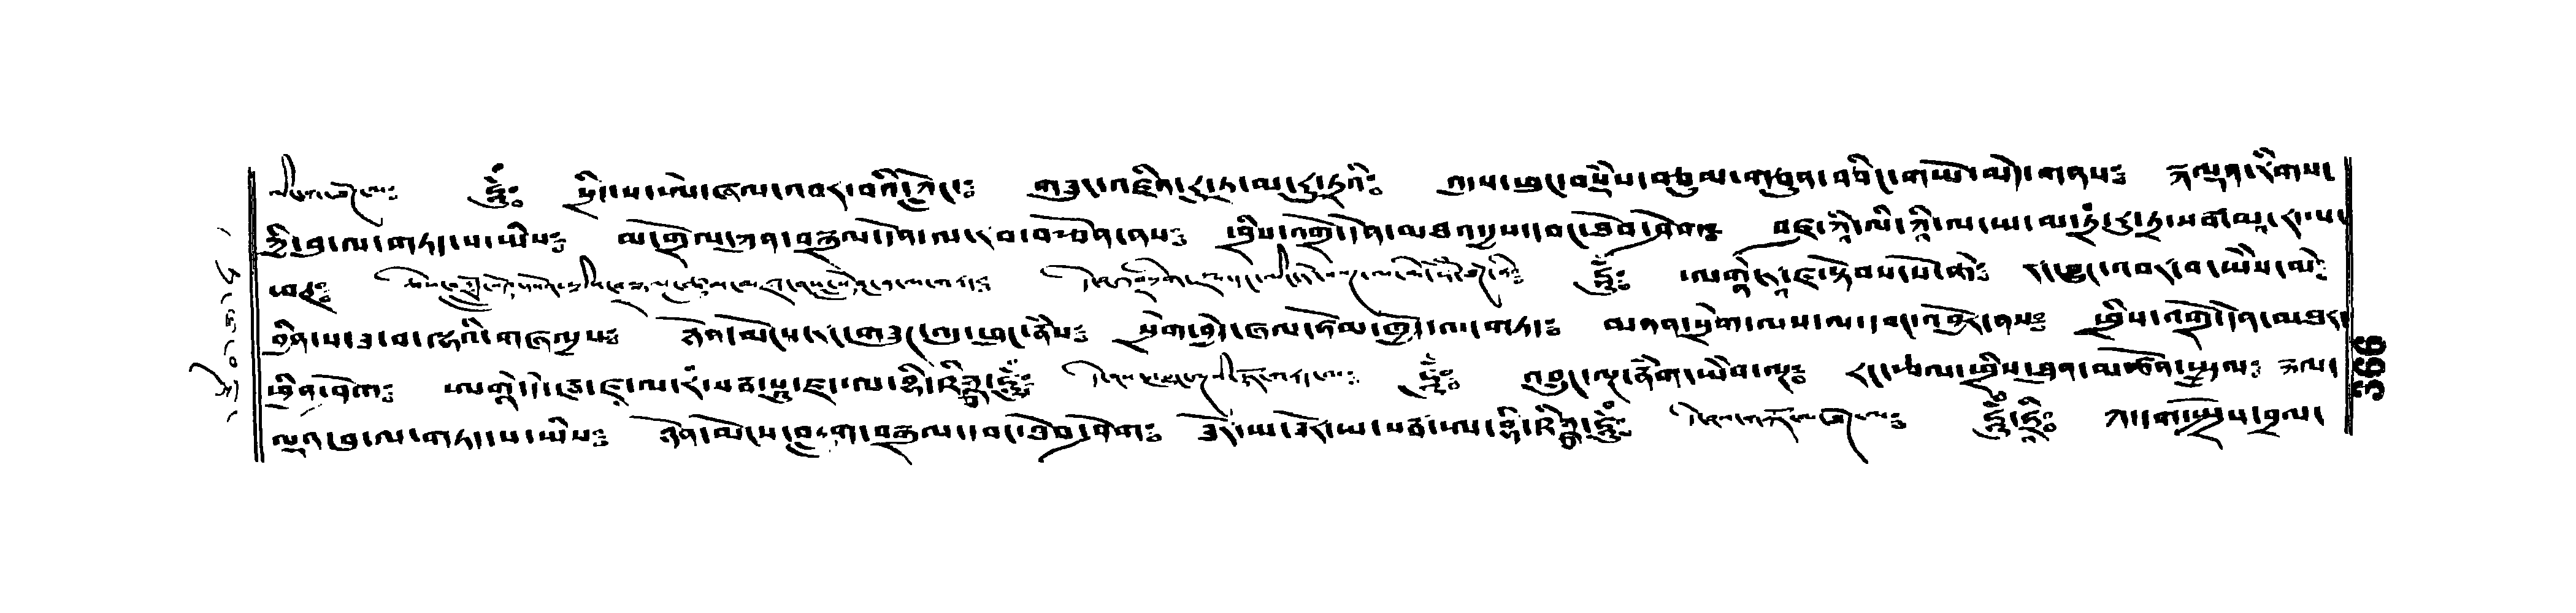ལིང་ག་ཐོགས་ལ༔ ཧཱུྃ༔ སྲིད་པ་ཨེ་ཞལ་འབར་བའི་ཀློང༔ གཟུང་འཛིན་རུ་ཏྲ་མ་རུ་ཏྲའི༔ ལུས་ཕུང་བསྡམས་བཅུམས་གཅུན་བཅིངས་གཡོ་མེད་གནས༔ སྐལ་ལྡན་རིགས་
ཀྱི་བུ་ལ་གཏད་པ་ཡིས༔ མ་གྲོལ་ཀུན་བསྒྲལ་དོན་ལ་རབ་བརྩོན་ནས༔ ཕྲིན་ལས་འགྲོ་དོན་མཐའ་རྒྱས་དབང་ཐོབ་ཤོག༔ བཛྲ་ཀཱི་ལི་ཀཱི་ལ་ཡ་མ་ཏྲཾ་རུ་ཏྲ་སརྦ་མཱ་ར་ཡ་
ཕཊ༔ ཅེས་བརྗོད་སློབ་དཔོན་གྱིས་བསྒྲལ་ཚུལ་མཛད་ནས་སློབ་བུ་ལ་གཏད༔ དེ་ནས་སྲེག་རྫས་དང་ལིང་རོ་བསགས་ལ་མེ་ཧོམ་ཐོགས་ཏེ༔ ཧཱུྃ༔ ཨགྣ་རཱ་ཛ་སྟོབས་པོ་ཆེ༔ རང་བྱུང་འབར་བ་ཡེ་ཤེས་མེ༔ 
བྱིན་ཟ་འབར་བ་ལྷའི་གཞལ་ཡས༔ ཉོན་མོངས་རང་གཟུགས་འདུ་ཕུང་རྣམས༔ སྲེག་བྱེད་ཞལ་ཧོམ་ཁྱོད་ལ་གཏད༔ མནན་སྲེག་ལས་ལ་དབང་འབྱོར་ནས༔ ཕྲིན་ལས་འགྲོ་དོན་མཐར་
ཕྱིན་ཤོག༔ ཨགྣེ་དེ་ཝ་ཛཱ་ལ་རཾ་སརྦ་པཱུ་ཛ་ཨ་བྷི་རིཉྩ་ཧཱུྃ༔ དེ་ནས་འབྱུང་ལྔའི་ཟོར་གཏད་ལ༔ ཧཱུྃ༔ འབྱུང་ལྔ་རྣམ་དག་ཡབ་ཡུམ་ལྔ༔ རང་རྩལ་ཕྲིན་ལས་ཐུན་མཚོན་སྤྲུལ༔ སྐལ་
ལྡན་བུ་ལ་གཏད་པ་ཡིས༔ ཉོན་མོངས་བརླག་བསྒྲལ་དབང་ཐོབ་ཤོག༔ ཟོར་ཡ་ཟོར་ཡ་སརྦ་ཨ་བྷི་རིཉྩ་ཧཱུྃ༔ དེ་ནས་གཏོར་མ་ཐོགས་ལ༔ ཧཱུྃ་ཧྲཱིཿ ཀ་དག་སྤྲོས་བྲལ་